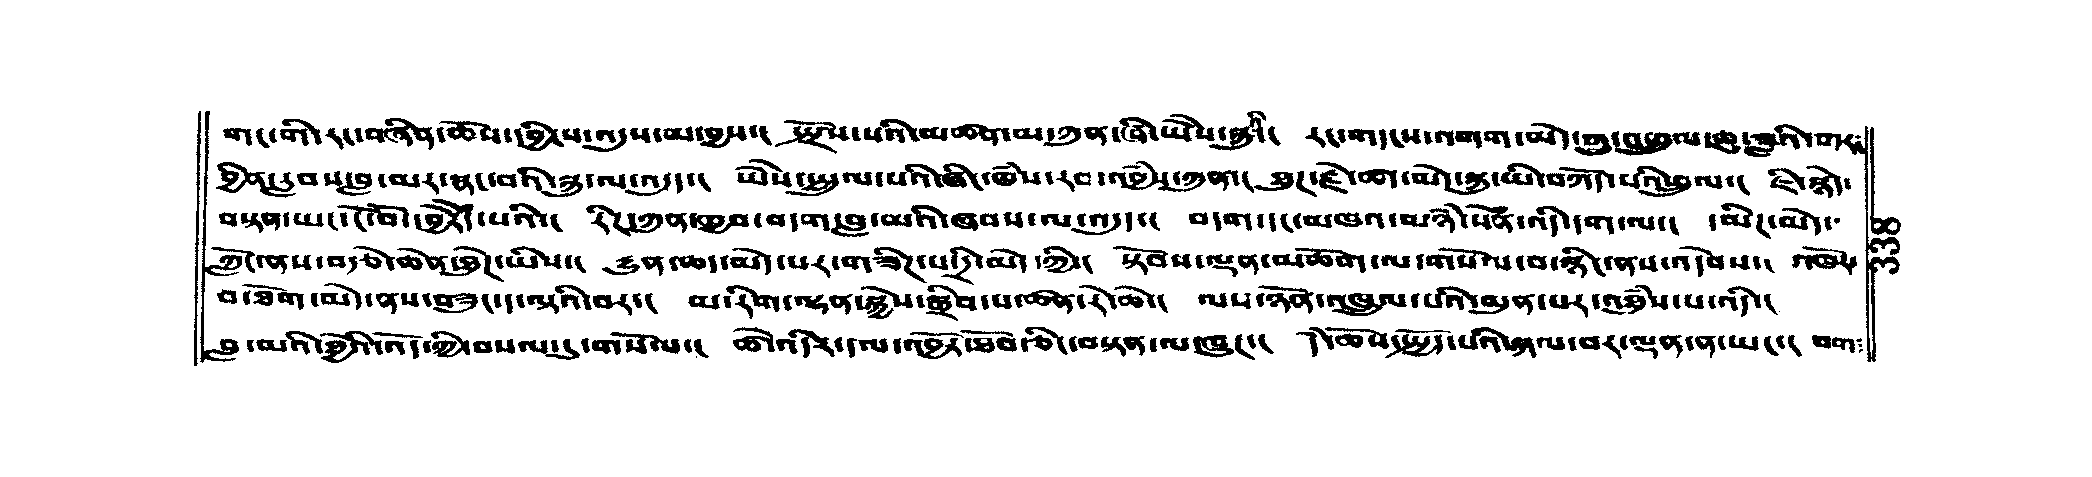གང་གི་རང་བཞིན་ཆོས་དབྱིངས་འདུས་མ་བྱས། །སྤྲོས་པའི་མཚན་མ་ཀུན་ཞི་ཡེ་ཤེས་སྐུའི། །རང་གདངས་འགག་མེད་སྒྱུ་འཕྲུལ་ཆུ་ཟླའི་གར།
བྱིན་རླབས་བླ་མར་སྣང་བའི་སྐུ་ལ་འདུད། །ཡེ་ཤེས་སྤྲུལ་པའི་ཞིང་ཁམས་རབ་འབྱམས་ཀུན། །ཐུགས་རྗེ་ཚད་མེད་སྐུ་ཡི་བཀོད་པའི་འཕྲུལ། །ཇི་སྙེད་
བསྟན་ཡང་ངོ་བོ་དབྱེར་མེད་པའི། །རིགས་ཀུན་ཁྱབ་བདག་བླ་མའི་ཞབས་ལ་འདུད། །བདག་དང་མཁའ་མཉམ་སེམས་ཅན་འདི་དག་ལ། །དམིགས་མེད་
ཀློང་ནས་བརྩེ་ཆེན་ཐུགས་རྗེ་ཡིས། །རྒྱུན་ཆད་མེད་པར་གཟིགས་པ་དྲི་མེད་ཀྱི། །སྟོབས་ལྡན་མཆོག་ལ་གསོལ་བ་སྙིང་ནས་འདེབས། །འཁོར་
བ་ཐོག་མེད་ནས་བཟུང་ད་ལྟའི་བར། །མ་རིག་ལྷན་སྐྱེས་སྒྲིབ་པ་ཚན་རེ་ཆེ། །ལས་ཉོན་འཁྲུལ་པའི་མུན་པར་འཐུམས་པ་འདི། །
བླ་མའི་ཐུགས་རྗེའི་འོད་ཀྱི་བསལ་དུ་གསོལ། །ཚེ་འདིར་དལ་འབྱོར་ཐོབ་ཅིང་བསྟན་ལ་ཞུགས། །དམ་ཆོས་སྤྱོད་པའི་སྐལ་བར་ལྡན་ན་ཡང་། །བག་